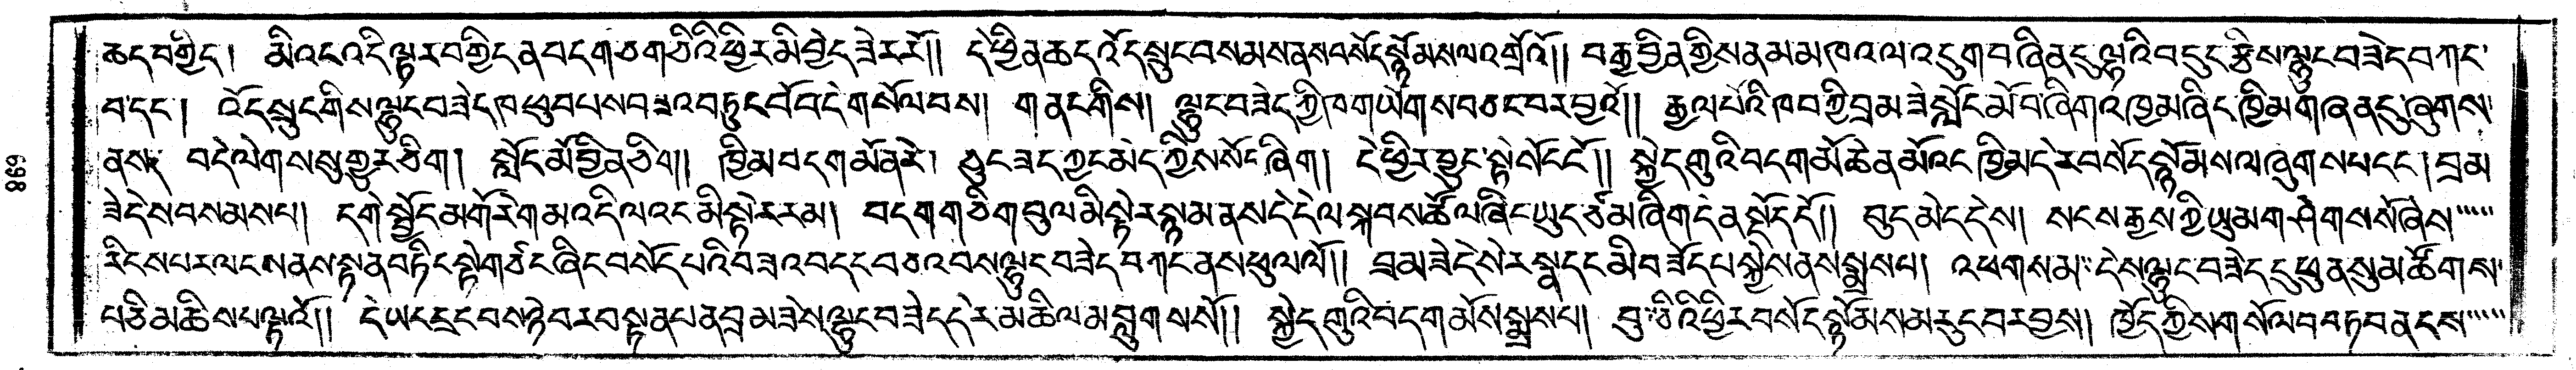ཆད་བགྱིད། མིའང་འདི་ལྟར་བགྱིད་ན་བདག་ཅག་ཅིའི་ཕྱིར་མི་བྱེད་ཟེར་རོ།། དེ་ཕྱིན་ཆད་འོད་སྲུང་བསམས་ནས་བསོད་སྙོམས་ལ་འགྲོའོ།། བརྒྱ་བྱིན་གྱིས་ནམ་མཁའ་ལ་འདུག་བཞིན་དུ་ལྷའི་བདུང་རྩིས་ལྷུང་བཟེད་བཀང་
བ་དང་། འོད་སྲུང་གིས་ལྷུང་བཟེད་ཁ་ཕུབ་པས་བཟའ་བཏུང་བོ་བདེ་གསོལ་བས། གནང་གིས། ལྷུང་བཟེད་ཀྱི་ཁ་གཡོགས་བཅང་བར་བྱའོ།། རྒྱལ་པོའི་ཁབ་ཀྱི་བྲམ་ཟེ་སློང་མོ་བ་ཞིག་འཁྱམ་ཞིང་ཁྱིམ་གཞན་དུ་ཞུགས་
ནས༑ བདེ་ལེགས་སུ་གྱུར་ཅིག། སློང་མོ་བྱིན་ཅིག། ཁྱིམ་བདག་མོན་རེ། ཅུང་ཟད་ཀྱང་མེད་ཀྱིས་སོང་ཞིག། དེ་ཕྱིར་བྱུང་སྟེ་སོང་ངོ།། སྐྱེ་དགུའི་བདག་མོ་ཆེན་མོའང་ཁྱིམ་དེར་བསོད་སྙོམས་ལ་ཞུགས་པ་དང་། བྲམ་
ཟེ་དེས་བསམས་པ། དགེ་སྦྱོང་མགོ་རེག་མ་འདི་ལའང་མི་སྟེར་རམ། བདག་གཅིག་བུལ་མི་སྟེར་སྙམ་ནས་དེ་དེ་ལ་སྐབས་ཚོལ་ཞིང་ཡུད་ཙམ་ཞིག་དེན་སྡོད་དོ།། བུད་མེད་དེས། སངས་རྒྱས་ཀྱི་ཡུམ་གཤེགས་སོ་ཞེས་
རིངས་པར་ལངས་ནས་སྟན་བཏིང་སྟེ་གཙང་ཞིང་བསོད་པའི་བཟའ་བདང་བཅའ་བས་ལྷུང་བཟེད་བཀང་ནས་ཕུལ་ལོ།། བྲམ་ཟེ་དེ་སེར་སྣ་དང་མི་བཟོད་པ་སྐྱེས་ནས་སྨྲས་པ། འཕགས་མ༑ དེས་ལྷུང་བཟེད་དུ་ཕུན་སུམ་ཚོགས་
པ་ཅི་མཆིས་པ་ལྟའོ།། དེ་ཡང་དྲང་བས་ཉེ་བར་བསྟན་པ་ན་བྲམ་ཟེས་ལྷུང་བཟེད་དེར་མཆིལ་མ་བླུགས་སོ།། སྐྱེད་གུའི་བདག་མོས་སྨྲས་པ། བུ༑ ཅིའི་ཕྱིར་བསོད་སྙོམས་མ་རུང་བར་བྱས། ཁྱོད་ཀྱིས་གསོལ་བ་བཏབ་ནངས་